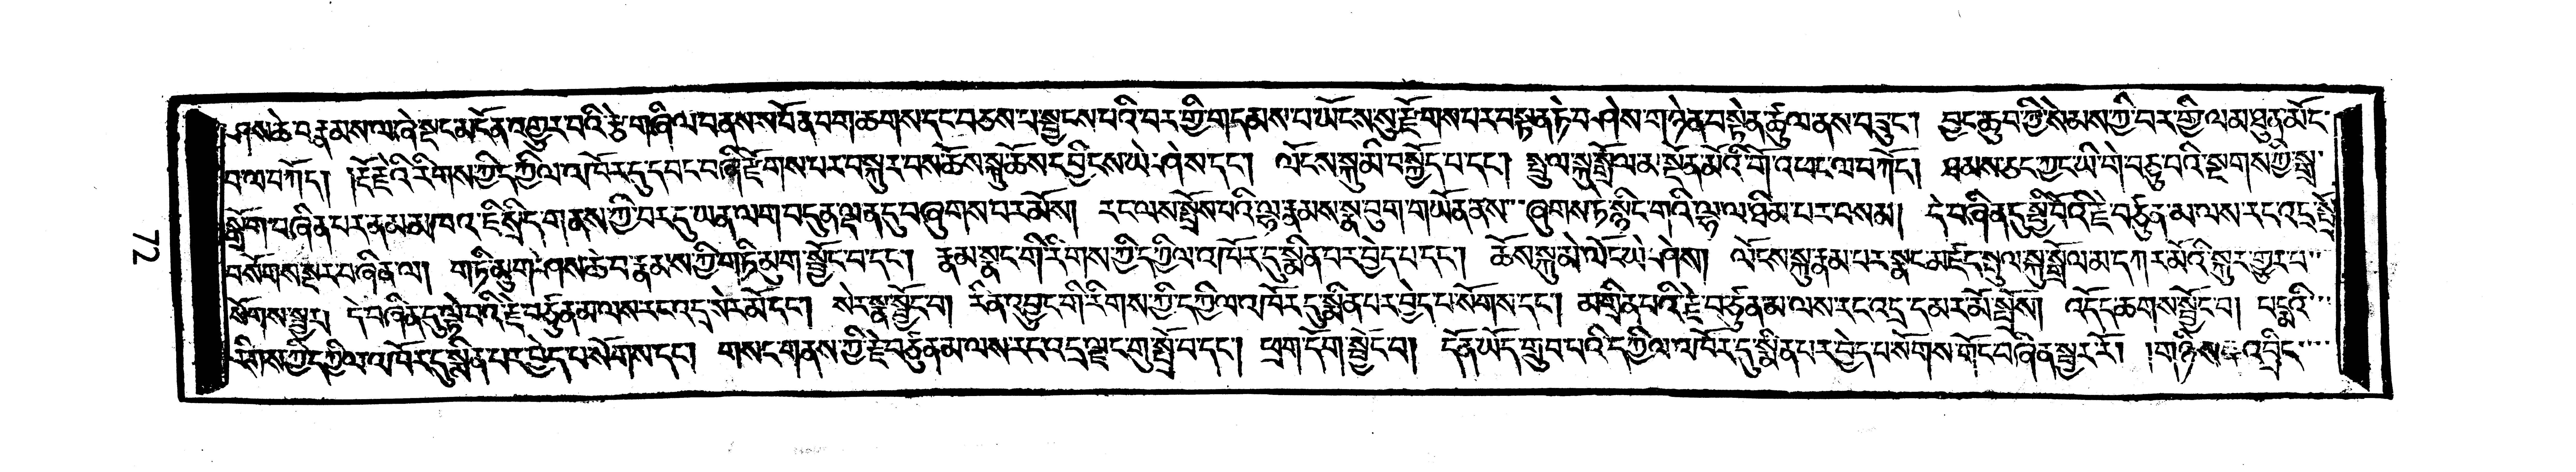ཤས་ཆེ་བ་རྣམས་ལ་ཞེ་སྡང་མངོན་འགྱུར་བའི་རྩེ་གཞལ་བ་ནས་ས་བོན་བག་ཆགས་དང་བཅས་པ་སྦྱངས་པའི་བར་གྱི་གདམས་པ་ཡོངས་སུ་རྫོགས་པར་བསྟན་ཏེ་བཤེས་གཉེན་བསྟེན་ཚུལ་ནས་བཟུང་། བྱང་ཆུབ་ཀྱི་སེམས་ཀྱི་བར་གྱི་ལམ་ཐུན་མོང་
བལ་བཀོད། རྡོ་རྗེའི་རིགས་ཀྱི་དཀྱིལ་འཁོར་དུ་དབང་བཞི་རྫོགས་པར་བསྐུར་བས་ཆོས་སྐུ་ཆོས་དབྱིངས་ཡེ་ཤེས་དང་། ལོངས་སྐུ་མི་བསྐྱོད་པ་དང་། སྤྲུལ་སྐུ་སྒྲོལ་མ་སྔོན་མོའི་གོ་འཕང་ལ་བཀོད། ཐམས་ཅད་ཀྱང་ཡི་གེ་བཅུ་པའི་སྔགས་ཀྱི་སྒྲ་
སྒྲོག་བཞིན་པར་ནམ་མཁའ་ཇི་སྲིད་གནས་ཀྱི་བར་དུ་ཡན་ལག་བདུན་ལྡན་དུ་བཞུགས་པར་མོས། རང་ལས་སྤྲོས་པའི་ལྷ་རྣམས་སྣ་བུག་གཡོན་ནས་ཞུགས་ཏེ་སྙིང་གའི་ལྷ་ལ་ཐིམ་པར་བསམ། དེ་བཞིན་དུ་སྤྱི་བོའི་རྗེ་བཙུན་མ་ལས་རང་འདྲ་སྤྲོ་
བསོགས་སྔར་བཞིན་ལ། གཏི་མུག་ཤས་ཆེ་བ་རྣམས་ཀྱི་གཏི་མུག་སྦྱོང་བ་དང་། རྣམ་སྣང་གི་རིགས་ཀྱི་དཀྱིལ་འཁོར་དུ་སྨིན་པར་བྱེད་པ་དང་། ཆོས་སྐུ་མེ་ལོང་ཡེ་ཤེས། ལོངས་སྐུ་རྣམ་པར་སྣང་མཛད། སྤྲུལ་སྐུ་སྒྲོལ་མ་དཀར་མོའི་སྐུར་གྱུར་པ་
སོགས་སྦྱར། དེ་བཞིན་དུ་ལྟེ་བའི་རྗེ་བཙུན་མ་ལས་རང་འདྲ་སེར་མོ་དང་། སེར་སྣ་སྦྱོང་བ། རིན་འབྱུང་གི་རིགས་ཀྱི་དཀྱིལ་འཁོར་དུ་སྨིན་པར་བྱེད་པ་སོགས་དང་། མགྲིན་པའི་རྗེ་བཙུན་མ་ལས་རང་འདྲ་དམར་མོ་སྤྲོས། འདོད་ཆགས་སྦྱོང་བ། པདམའི་
རིགས་ཀྱི་དཀྱིལ་འཁོར་དུ་སྨིན་པར་བྱེད་པ་སོགས་དང་། གསང་གནས་ཀྱི་རྗེ་བཙུན་མ་ལས་རང་འདྲ་ལྗང་གུ་སྤྲོ་བ་དང་། ཕྲག་དོག་སྦྱོང་བ། དོན་ཡོད་གྲུབ་པའི་དཀྱིལ་འཁོར་དུ་སྨིན་པར་བྱེད་པ་སོགས་གོང་བཞིན་སྦྱར་རོ། །གཉིས་པ་འབྲིང་